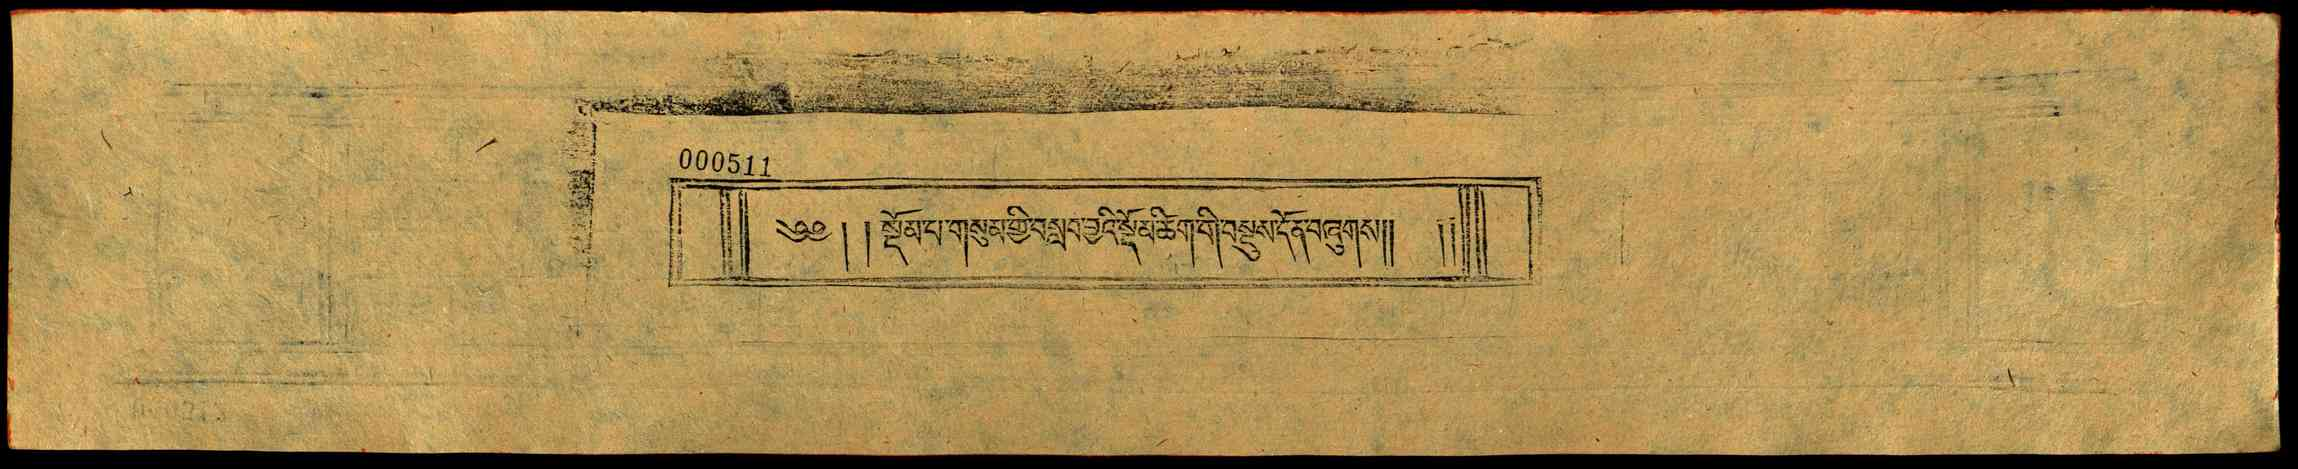༄༅། །སྡོམ་པ་གསུམ་གྱི་བསླབ་བྱའི་སྡོམ་ཚིག་གི་བསྡུས་དོན་བཞུགས།། །།